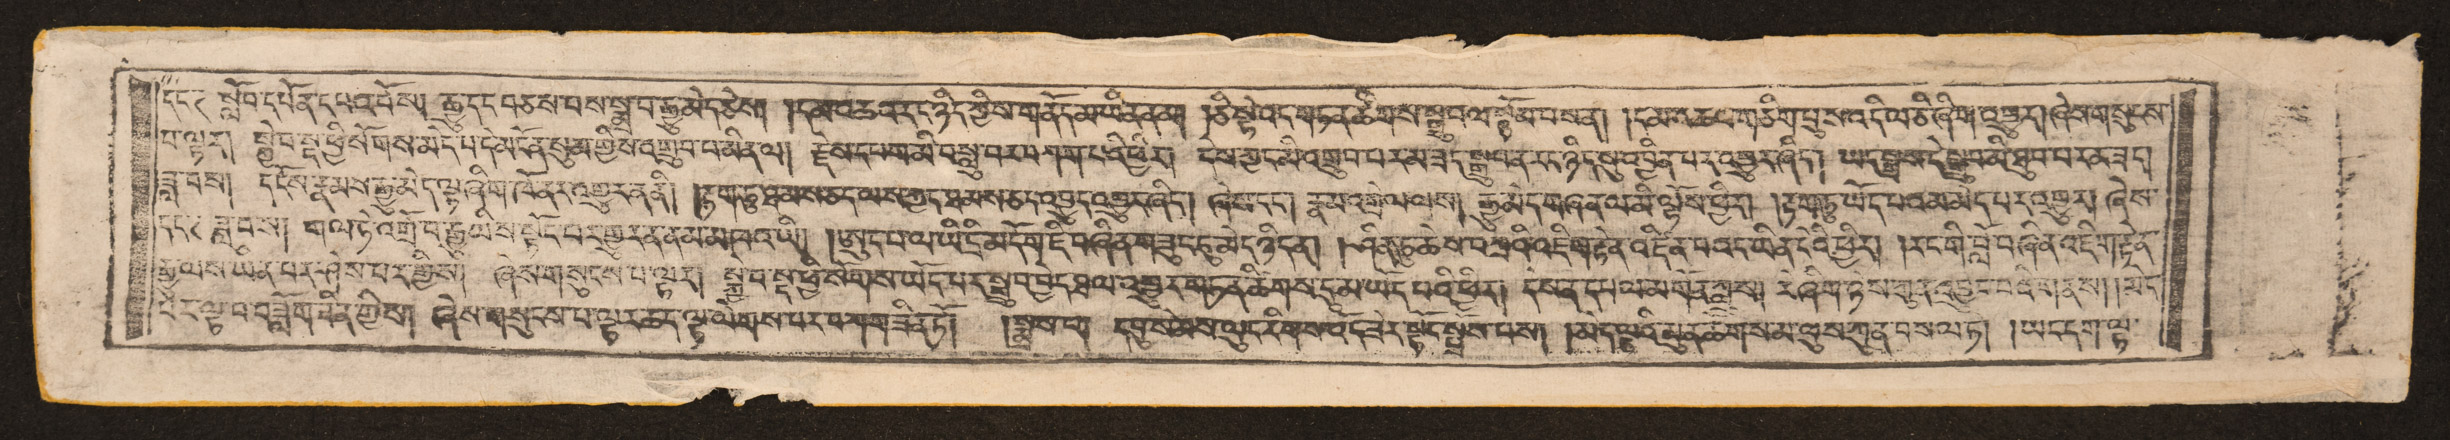དང༑ སློབ་དཔོན་དཔའ་བོས། རྒྱུ་དང་བཅས་པས་སྨྲ་བ་རྒྱུ་མེད་ཅེས། །དམ་འཆའ་རང་ཉིད་ཀྱིས་གནོད་མ་ཡིན་ནམ། །ཅི་སྟེ་འང་གཏན་ཚིགས་སྒྲུབ་ལ་སྙོམ་པས་ན། །དམ་འཆའ་གཅིག་བུས་འདི་ལ་ཅི་ཞིག་འགྱུར། ཞེས་གསུངས་
པ་ལྟར། སྐྱེ་བ་སྔ་ཕྱི་སོགས་མེད་པ་དེ་མངོན་སུམ་གྱིས་འགྲུབ་པ་མིན་ལ། རྗེས་དཔག་མི་བསླུ་བར་བཀག་པའི་ཕྱིར། དེས་ཀྱང་མི་འགྲུབ་པར་མ་ཟད་སྒྲུབ་ན་རང་ཉིད་སུ་འབྱིན་པར་འགྱུར་ཞིང་། ཡང་སྒྲས་དེ་སྒྲུབ་མི་ཐུབ་པར་མ་ཟད།
ཟླ་བས། དངོས་རྣམས་རྒྱུ་མེད་ལྟ་ཞིག་ཁོ་ནར་འགྱུར་ན་ནི། །རྟག་ཏུ་ཐམས་ཅད་ལས་ཀྱང་ཐམས་ཅད་འབྱུང་འགྱུར་ཞིང་། ཞེས་དང་། རྣམ་འགྲེལ་ལས། རྒྱུ་མེད་གཞན་ལ་མི་ལྟོས་ཕྱིར། །རྟག་ཏུ་ཡོད་པའམ་མེད་པར་འགྱུར། ཞེས་
དང༑ ཟླ་བས། གལ་ཏེ་འགྲོ་བ་རྒྱུ་ཡིས་སྟོང་པར་གྱུར་ན་ནམ་མཁའ་ཡི། །ཨུད་པ་ལ་ཡི་དྲི་མདོག་ཇི་བཞིན་གཟུང་དུ་མེད་ཉིད་ན། །ཤིན་ཏུ་ཆེས་བཀྲའི་འཇིག་རྟེན་འཛིན་པའང་ཡིན་དེའི་ཕྱིར། །རང་གི་བློ་བཞིན་འཇིག་རྟེན་
རྩ་ལས་ཡིན་པར་ཤེས་པར་གྱིས། ཞེས་གསུངས་པ་ལྟར། སྐྱེ་བ་སྔ་ཕྱི་སོགས་ཡོད་པར་སྒྲུབ་བྱེད་ཐལ་འགྱུར་གཏན་ཚིགས་དུ་མ་ཡོད་པའི་ཕྱིར། དེས་ན་དཔལ་མགོན་ཀླུས། རེ་ཞིག་ཉེས་ཀུན་འབྱུང་བའི་གནས། །མེད་
བར་ལྟར་བཟློག་ཟིན་གྱིས། ཞེས་གསུངས་པ་ལྟར་ཆད་ལྟ་ལེགས་པར་བཀག་ཟིན་ཏོ། །སྨྲས་པ། དབུ་སེམས་ལུང་རིགས་འོད་ཟེར་སྟོང་སྤྲོས་པས། །མེད་ལྟའི་མུན་ཚོགས་མ་ལུས་ཀུན་བསལ་ཏེ། །ཡང་དག་ལྟ་